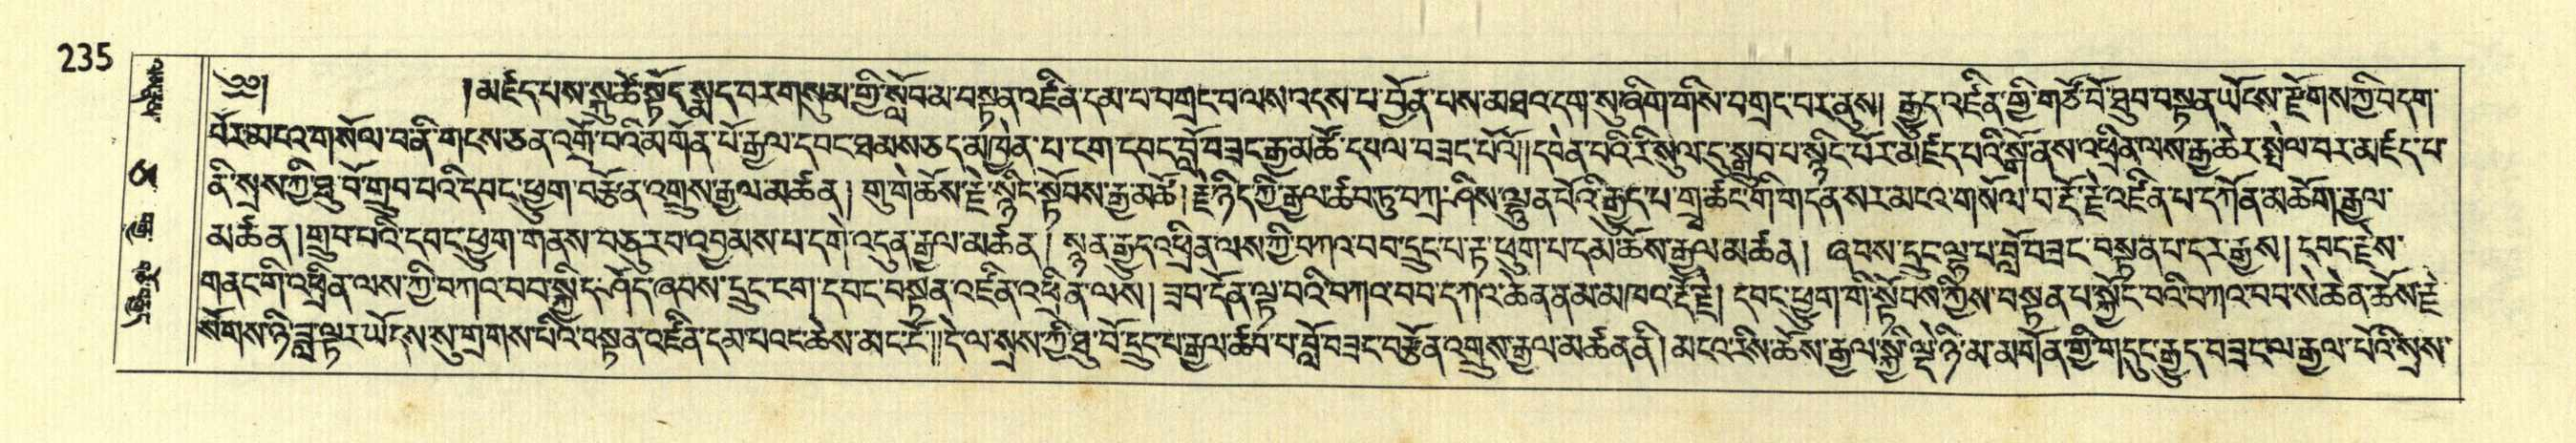༄༅། །མཛད་པས་སྐུ་ཚེ་སྟོད་སྨད་པར་གསུམ་གྱི་སློབ་མ་བསྟན་འཛིན་དམ་པ་བགྲང་བ་ལས་འདས་པ་བྱོན་པས་མཐའ་དག་སུ་ཞིག་གིས་བགྲང་བར་ནུས། རྒྱུད་འཛིན་གྱི་གཙོ་བོ་ཐུབ་བསྟན་ཡོངས་རྫོགས་ཀྱི་བདག་
པོར་མངའ་གསོལ་བ་ནི་གངས་ཅན་འགྲོ་བའི་མགོན་པོ་རྒྱལ་དབང་ཐམས་ཅད་མཁྱེན་པ་ངག་དབང་བློ་བཟང་རྒྱ་མཚོ་དཔལ་བཟང་པོའོ། །དབེན་བའི་རི་སུལ་དུ་སྒྲུབ་པ་སྙིང་པོར་མཛད་བའི་སྒོ་ནས་འཕྲིན་ལས་རྒྱ་ཆེར་སྤེལ་བར་མཛད་པ་
ནི་སྲས་ཀྱི་ཐུ་བོ་གྲུབ་པའི་དབང་ཕྱུག་བརྩོན་འགྲུས་རྒྱལ་མཚན། གུ་གེ་ཆོས་རྗེ་སྙིང་སྟོབས་རྒྱ་མཚོ། རྗེ་ཉིད་ཀྱི་རྒྱལ་ཚབ་ཏུ་བཀྲ་ཤིས་ལྷུན་པོའི་རྒྱུད་པ་གྲྭ་ཚང་གི་གདན་སར་མངའ་གསོལ་བ་རྡོ་རྗེ་འཛིན་པ་དཀོན་མཆོག་རྒྱལ་
མཚན་།གྲུབ་པའི་དབང་ཕྱུག་གནས་བཅུ་རབ་འབྱམས་པ་དགེ་འདུན་རྒྱལ་མཚན། སྙན་རྒྱུད་འཕྲིན་ལས་ཀྱི་བཀའ་བབ་དྲུང་པ་རྟ་ཕུག་པ་དམ་ཆོས་རྒྱལ་མཚན། ཞབས་དྲུང་ལྷ་པ་བློ་བཟང་བསྟན་པ་དར་རྒྱས། དབང་རྗེས་
གནང་གི་འཕྲིན་ལས་ཀྱི་བཀའ་བབ་སྐྱིད་ཤོད་ཞབས་དྲུང་ངག་དབང་བསྟན་འཛིན་འཕྲིན་ལས། ཟབ་དོན་ལྟ་བའི་བཀའ་བབ་དཀའ་ཆེན་ནམ་མཁའ་རྡོ་རྗེ། དབང་ཕྱུག་གི་སྟོབས་ཀྱིས་བསྟན་པ་སྐྱོང་བའི་བཀའ་བབ་སེ་ཆེན་ཆོས་རྗེ་
སོགས་ཉི་ཟླ་ལྟར་ཡོངས་སུ་གྲགས་པའི་བསྟན་འཛིན་དམ་པའང་ཆེས་མང་ངོ། །དེ་ལ་སྲས་ཀྱི་ཐུ་བོ་དྲུང་པ་རྒྱལ་ཚབ་པ་བློ་བཟང་བརྩོན་འགྲུས་རྒྱལ་མཚན་ནི། མངའ་རིས་ཆོས་རྒྱལ་སྐྱི་ལྡེ་ཉི་མ་མགོན་གྱི་གདུང་རྒྱུད་བཟང་ལ་རྒྱལ་པོའི་སྲས་